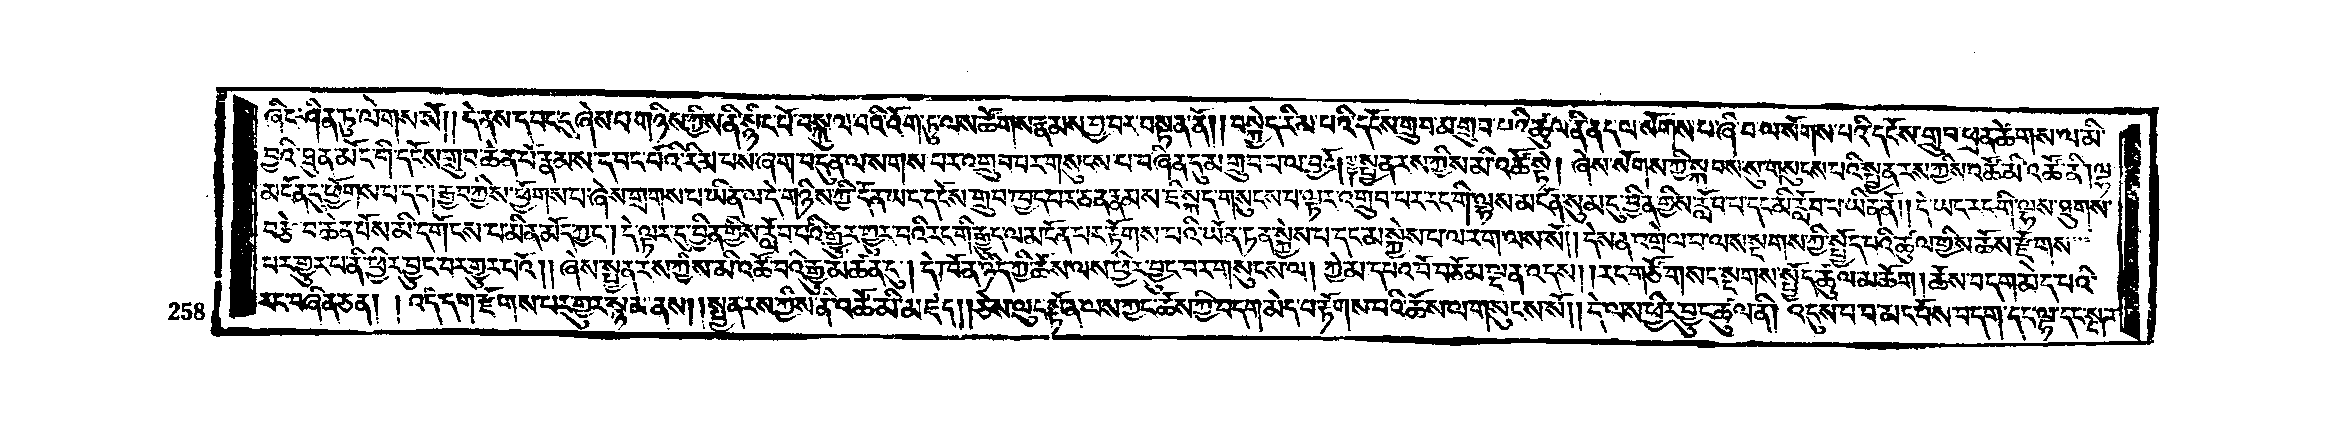ཞིང་ཤིན་ཏུ་ལེགས་སོ། །དེ་ནས་དབང་དུ་ཞེས་པ་གཉིས་ཀྱིས་ནི་སྙིང་པོ་བསྐུལ་བའི་འོག་ཏུ་ལས་ཚོགས་རྣམས་བྱ་བར་བསྟན་ནོ། །བསྐྱེད་རིམ་པའི་དངོས་གྲུབ་མ་གྲུབ་པའི་ཚུལ་ནི་ནད་ལ་སོགས་པ་ཞི་བ་ལ་སོགས་པའི་དངོས་གྲུབ་ཕྲན་ཚེགས་ལ་མི་
བྱའི་ཐུན་མོང་གི་དངོས་གྲུབ་ཆེན་པོ་རྣམས་དབང་པོའི་རིམ་པས་ཞག་བདུན་ལ་སོགས་པར་འགྲུབ་པར་གསུངས་པ་བཞིན་དུ་མ་གྲུབ་པ་ལ་བྱའོ།། ༈ སྤྱན་རས་ཀྱིས་མི་འཚོ་སྟེ། ཞེས་སོགས་ཀྱི་སྐབས་སུ་གསུངས་པའི་སྤྱན་རས་ཀྱིས་འཚོ་མི་འཚོ་ནི། ལྷ་
མངོན་དུ་ཕྱོགས་པ་དང་། རྒྱབ་ཀྱིས་ཕྱོགས་པ་ཞེས་གྲགས་པ་ཡིན་ལ་དེ་གཉིས་ཀྱི་དོན་ཡང་དངོས་གྲུབ་ཁྱད་པར་ཅན་རྣམས་ཇི་སྐད་གསུངས་པ་ལྟར་འགྲུབ་པར་རང་གི་ལྷས་མངོན་སུམ་དུ་བྱིན་གྱིས་རློབ་པ་དང་མི་རློབ་པ་ཡིན་ནོ། །དེ་ཡང་རང་གི་ལྷས་ཐུགས་བརྩེ་བ་ཆེན་པོས་མི་དགོངས་པ་མིན་མོད་ཀྱང་། དེ་ལྟར་དུ་བྱིན་གྱིས་རློབ་པའི་རྒྱུར་གྱུར་བའི་རང་གི་རྒྱུད་ལ་མངོན་པར་རྟོགས་པའི་ཡོན་ཏན་སྐྱེས་པ་དང་མ་སྐྱེས་པ་ལ་རག་ལས་སོ། །དེས་ན་འགྲེལ་པ་ལས་སྔགས་ཀྱི་སྤྱོད་པའི་ཚུལ་གྱིས་ཆོས་རྫོགས་
པར་གྱུར་པ་ནི་ཕྱིར་བྱུང་བར་གྱུར་པའོ། །ཞེས་སྤྱན་རས་ཀྱིས་མི་འཚོ་བའི་རྒྱུ་མཚན་དུ། དེ་ཁོ་ན་ཉིད་ཀྱི་ཆོས་ལས་ཕྱིར་བྱུང་བར་གསུངས་ལ། ཀྱེ་མ་དཔའ་བོ་བཅོམ་ལྡན་འདས། །རང་གཙོ་གསང་སྔགས་སྤྱོད་ཚུལ་མཆོག །ཆོས་བདག་མེད་པའི་
རང་བཞིན་ཅན། །འདི་དག་རྫོགས་པར་གྱུར་སྙམ་ནས། །སྤྱན་རས་ཀྱིས་ནི་འཚོ་མི་མཛད། །ཅེས་ལུང་སྟོན་ལས་ཀྱང་ཆོས་ཀྱི་བདག་མེད་པ་རྟོགས་པའི་ཆོས་ལ་གསུངས་སོ། །དེ་ལས་ཕྱིར་བྱུང་ཚུལ་ནི། འདུས་པ་བ་མང་པོས་བདག་དང་ལྷ་དང་?